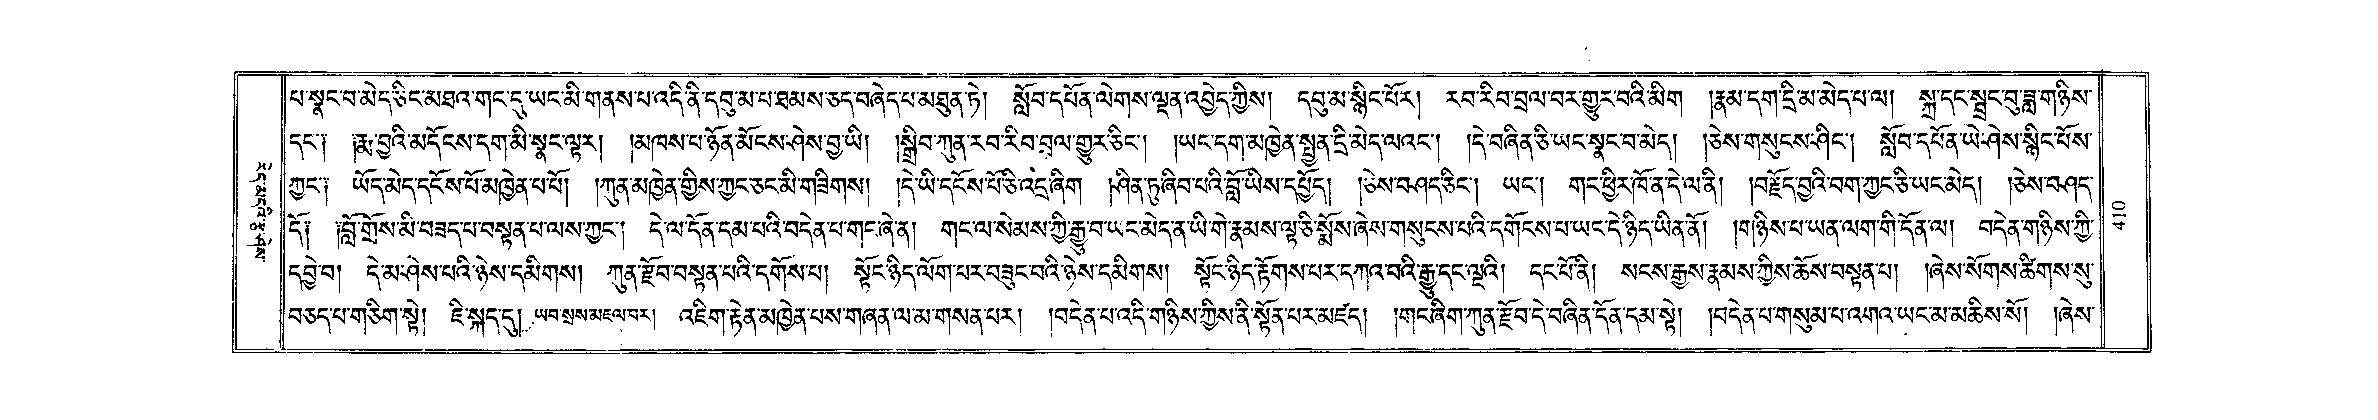པ་སྣང་བ་མེད་ཅིང་མཐའ་གང་དུ་ཡང་མི་གནས་པ་འདི་ནི་དབུ་མ་པ་ཐམས་ཅད་བཞེད་པ་མཐུན་ཏེ། སློབ་དཔོན་ལེགས་ལྡན་འབྱེད་ཀྱིས། དབུ་མ་སྙིང་པོར། རབ་རིབ་བྲལ་བར་གྱུར་བའི་མིག །རྣམ་དག་དྲི་མ་མེད་པ་ལ། སྐྲ་དང་སྦྲང་བུ་ཟླ་གཉིས་
དང༑ ༑རྨ་བྱའི་མདོངས་དག་མི་སྣང་ལྟར། །མཁས་པ་ཉོན་མོངས་ཤེས་བྱ་ཡི། །སྒྲིབ་ཀུན་རབ་རིབ་བྲལ་གྱུར་ཅིང་། །ཡང་དག་མཁྱེན་སྤྱན་དྲི་མེད་ལའང་། །དེ་བཞིན་ཅི་ཡང་སྣང་བ་མེད། །ཅེས་གསུངས་ཤིང་། སློབ་དཔོན་ཡེ་ཤེས་སྙིང་པོས་
ཀྱང༑ ཡོད་མེད་དངོས་པོ་མཁྱེན་པ་པོ། །ཀུན་མཁྱེན་གྱིས་ཀྱང་ཅང་མི་གཟིགས། །དེ་ཡི་དངོས་པོ་ཅི་འདྲ་ཞིག །ཤིན་ཏུ་ཞིབ་པའི་བློ་ཡིས་དཔྱོད། །ཅེས་བཤད་ཅིང་། ཡང་། གང་ཕྱིར་ཁོ་ན་དེ་ལ་ནི། །བརྗོད་བྱའི་བག་ཀྱང་ཅི་ཡང་མེད། །ཅེས་བཤད་
དོ༑ ༑བློ་གྲོས་མི་བཟད་པ་བསྟན་པ་ལས་ཀྱང་། དེ་ལ་དོན་དམ་པའི་བདེན་པ་གང་ཞེ་ན། གང་ལ་སེམས་ཀྱི་རྒྱུ་བ་ཡང་མེད་ན་ཡི་གེ་རྣམས་ལྟ་ཅི་སྨོས་ཞེས་གསུངས་པའི་དགོངས་པ་ཡང་དེ་ཉིད་ཡིན་ནོ། །གཉིས་པ་ཡན་ལག་གི་དོན་ལ། བདེན་གཉིས་ཀྱི་
དབྱེ་བ། དེ་མ་ཤེས་པའི་ཉེས་དམིགས། ཀུན་རྫོབ་བསྟན་པའི་དགོས་པ། སྟོང་ཉིད་ལོག་པར་བཟུང་བའི་ཉེས་དམིགས། སྟོང་ཉིད་རྟོགས་པར་དཀའ་བའི་རྒྱུ་དང་ལྔའི། དང་པོ་ནི། སངས་རྒྱས་རྣམས་ཀྱིས་ཆོས་བསྟན་པ། །ཞེས་སོགས་ཚིགས་སུ་
བཅད་པ་གཅིག་སྟེ། ཇི་སྐད་དུ། ཡབ་སྲས་མཇལ་བར།  འཇིག་རྟེན་མཁྱེན་པས་གཞན་ལ་མ་གསན་པར། །བདེན་པ་འདི་གཉིས་ཀྱིས་ནི་སྟོན་པར་མཛད། །གང་ཞིག་ཀུན་རྫོབ་དེ་བཞིན་དོན་དམ་སྟེ། །བདེན་པ་གསུམ་པ་འགའ་ཡང་མ་མཆིས་སོ། །ཞེས་